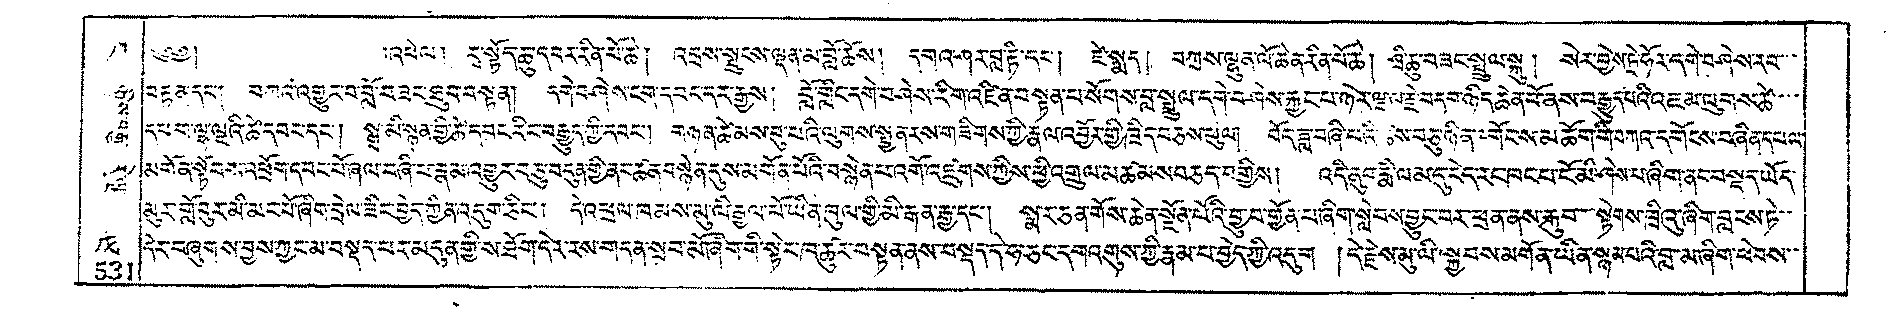༄༅། །འཕེལ། རྭ་སྟོད་ཆུ་དབར་རིན་པོ་ཆེ། འབྲས་སྤུངས་ལྡན་མ་བློ་ཆོས། དགའ་ཤར་བླ་རྟི་དང་། ཛེ་སྨད། བཀྲས་ལྷུན་ལོ་ཆེན་རིན་པོ་ཆེ། ཤྲི་ཆུ་བཟང་སྤྲུལ་སྐུ། སེར་བྱེས་ཏྲེ་ཧོར་དགེ་བཤེས་རབ་
བརྟན་དང་། བཀའ་འགྱུར་བ་བློ་བཟང་ཐུབ་བསྟན། དགེ་བཤེས་ངག་དབང་དར་རྒྱས། བློ་གླིང་དགེ་བཤེས་རིག་འཛིན་བསྟན་པ་སོགས་བླ་སྤྲུལ་དགེ་བཤེས་རྐྱང་པ་ཉེར་ལྔ་ལ་རྗེ་བདག་ཉིད་ཆེན་པོ་ནས་བརྒྱུད་པའི་འཇམ་ལུགས་ཚེ་
དཔག་ལྷ་ལྔའི་ཚེ་དབང་དང་། སྒྲ་མི་སྙན་གྱི་ཚེ་དབང་རིང་བརྒྱུད་ཀྱི་དབང་། གཉན་ཚེམས་བུ་པའི་ལུགས་སྤྱན་རས་གཟིགས་ཀྱི་རྣལ་འབྱོར་གྱི་ཁྲིད་བཅས་ཕུལ། བོད་ཟླ་བཞི་པའི་ཚེས་བཅུ་ཉིན་༧གོང་ས་མཆོག་གི་བཀའ་དགོངས་བཞིན་དཔལ་
མགོན་སྟོབས་འཕྲོག་དབང་པོ་ཞལ་བཞི་པ་རྣམ་འགྱུར་བཅུ་བདུན་གྱི་ནང་ཚན་བསྙེན་དུས་མགོན་པོའི་བསྙེན་པ་འགོ་འཛུགས་ཀྱིས་ཕྱི་འགྲུལ་མཚམས་བཅད་བགྱིས། འདི་ནུབ་རྨི་ལམ་དུ་ངེད་རང་ཁང་པ་ངོ་མི་ཤེས་པ་ཞིག་ནང་བསྡད་ཡོད་
མུར་གློ་བུར་མི་མང་པོ་ཞིག་བྲེལ་ཟིང་བྱེད་ཀྱིན་འདུག་ཅིང་། དེ་འཕྲལ་ཁམས་མུ་ལི་རྒྱལ་པོ་ཡིན་ཁུལ་གྱི་མི་རྒན་རྒྱ་དང་། སྨ་ར་ཅན་གོས་ཆེན་སྔོན་པོའི་ཕྱུ་བ་གྱོན་པ་ཞིག་སླེབས་བྱུང་བར་ཕྲན་ནས་རྐུབ་སྟེགས་ཁྲིའུ་ཞིག་བླངས་ཏེ་
དེར་བཞུགས་བྱས་ཀྱང་མ་བསྡད་པར་མདུན་གྱི་ས་ཐོག་དེར་རས་གདན་སྲབ་མོ་ཞིག་གི་སྟེང་ཁ་ཚུར་བསྟན་ནས་བསྡད་དེ་ཧ་ཅང་དགའ་གུས་ཀྱི་རྣམ་པ་བྱེད་ཀྱི་འདུག །དེ་རྗེས་མུ་ལི་༧སྐྱབས་མགོན་ཡིན་སྙམ་པའི་བླ་མ་ཞིག་ཕེབས་